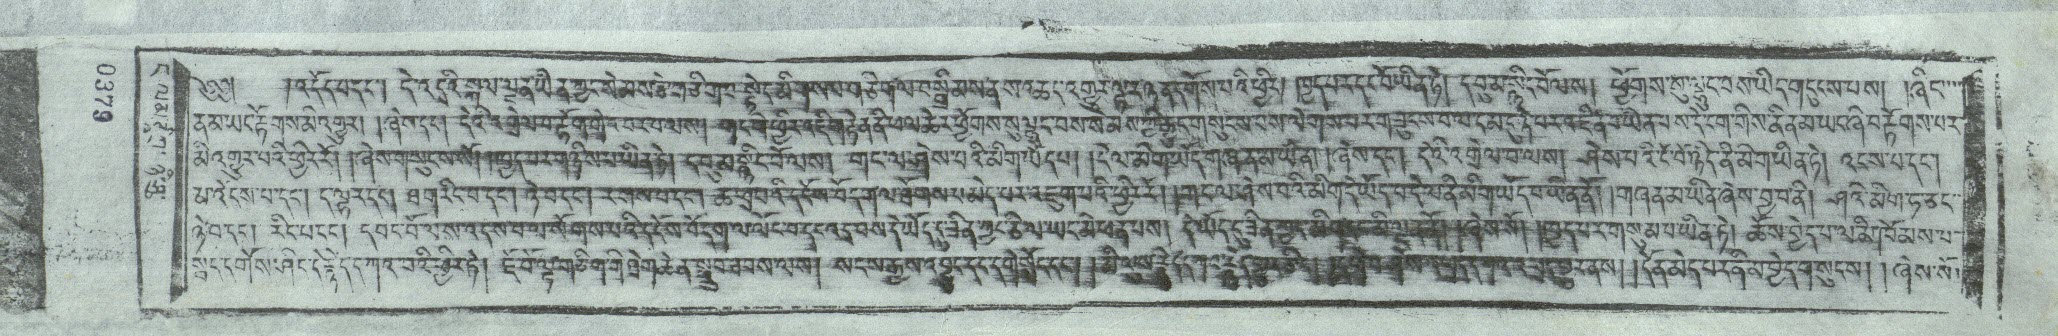༄༅། །འདོད་པ་དང་། དེ་འདྲའི་སྐལ་ལྡན་ཡིན་ཀྱང་སེམས་རྩེ་གཅིག་པ་སྟེང་མིགས་པ་གཅིག་ལ་བསྒྲིམས་ནས་འཆང་འགྱུར་ལྟར་ཉན་དགོས་པའི་ཕྱིར། ཁྱད་པར་དང་བོ་ཡིན་ཏེ། དབུ་མ་སྙིང་བོ་ལས། ཕྱོགས་སུ་ལྷུང་བས་ཡིད་གདུངས་པས། །ཞིང་
ནམ་ཡང་རྟོགས་མི་འགྱུར། །ཞེས་དང་། དེའི་འགྲེལ་བ་རྟོག་གེ་འབར་པ་ལས། གང་གི་ཕྱིར་འཇིག་རྟེན་ནི་ཕལ་ཆེར་ཕྱོགས་སུ་ལྷུང་བས་སེམས་ཀྱི་རྒྱུད་གསུངས་པས་ལེགས་པར་གཟུངས་བ་ལ་དམ་དུ་ཉེ་པར་འཛིན་པ་ཡིན་པས་དེ་དག་གིས་ནི་ནམ་ཡང་ཞི་བ་རྟོགས་པར་
མི་འགྱུར་པའི་ཕྱིར་རོ། །ཞེས་གསུངས་སོ། །ཁྱད་པར་གཉིས་པ་ཡིན་ཏེ། དབུ་མ་སྙིང་བོ་ལས། གང་ལ་ཤེས་པའི་མིག་ཡོད་པ། །དེ་ལ་མིག་ཡོད་གཞན་མ་ཡིན། །ཞེས་དང་། དེའི་འགྲེལ་བ་ལས། ཤེས་པའི་ངོ་བོ་ཉིད་ནི་མིག་ཡིན་ཏེ། འདས་པ་དང་།
མ་འོངས་པ་དང་། ད་ལྟར་དང་། ཐག་རིང་བ་དང་། ཉེ་བ་དང་། རགས་པ་དང་། ཆ་ཕྲ་བའི་དངོས་བོ་དག་ལ་ཐོགས་པ་མེད་པར་འཇུག་པའི་ཕྱིར་རོ། །གང་ལ་ཤེས་བའི་མིག་དེ་ཡོད་པ་དེ་ལ་ནི་མིག་ཡོད་པ་ཡིན་ནོ། །གཞན་མ་ཡིན་ཞེས་བྱ་བ་ནི། ཤའི་མིག་ཧ་ཅང་
ཉེ་བ་དང་། རིང་བ་དང་། དབང་བོ་ལས་འདས་པ་ལ་སོགས་པའི་དངོས་བོ་དག་ལ་ལོང་བ་དང་འདྲ་བས་དེ་ཡོད་དུ་ཟིན་ཀྱང་ཅི་ལ་ཡང་མི་ཕན་པས། དེ་ཡོད་དུ་ཟིན་ཀྱང་མིག་དང་མི་ལྡན་ནོ། །ཞེས་སོ། །ཁྱད་པར་གསུམ་པ་ཡིན་ཏེ། ཆོས་བྱེད་པ་ལ་མི་ཁོམས་པ་
སྦང་དགོས་ཤིང་དེ་རྙེད་དཀའ་བའི་ཕྱིར་ཏེ། ཇོ་བོ་ལྟ་གཅིག་གི་ཐེག་ཆེན་སྒྲུབ་ཐབས་ལས། སངས་རྒྱས་འབྱུང་དང་དགེ་སློང་དང་། །མི་ལུས་རྙེད་དཀའ་རྙེད་གྱུར་ཅིང་། །དགེ་བཤེས་འཕྲད་དཀའ་འཕྲད་བྱུང་ནས། །དོན་མེད་པར་ནི་མ་བྱེད་གསུངས། །ཞེས་སོ་